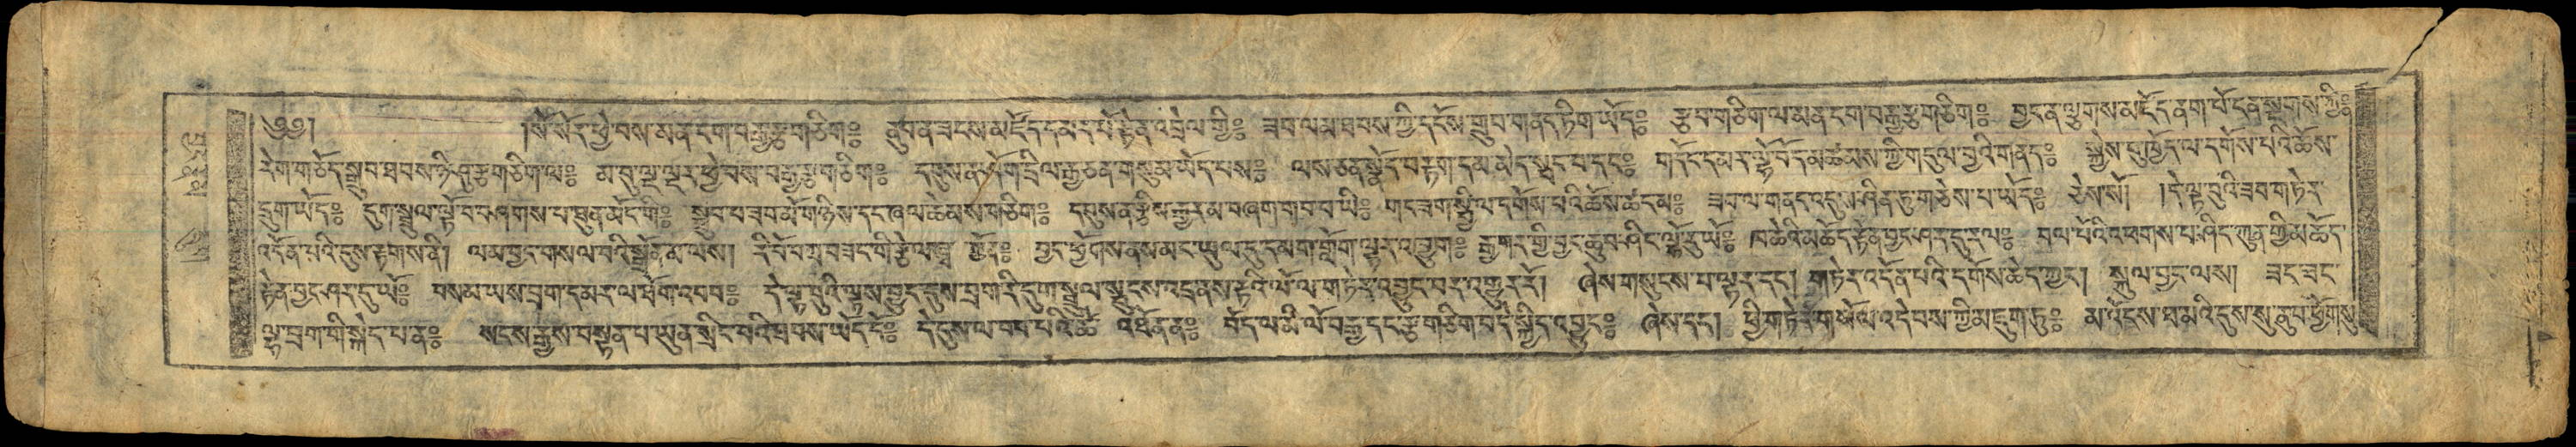༄༅། །སོ་སོར་ཕྱེ་བས་མན་ངག་བརྒྱ་རྩ་གཅིགཿ་ནུབ་ན་ཟངས་མཛོད་དམར་པོ་རྟེན་འབྲེལ་གྱིཿ་ཟབ་ལམ་ཐབས་ཀྱི་དངོས་གྲུབ་གནད་ཏིག་ཡོདཿ་རྩ་བ་གཅིག་ལ་མན་ངག་བརྒྱ་རྩ་གཅིགཿ་བྱང་ན་ལྕགས་མཛོད་ནག་པོ་ངན་སྔགས་ཀྱི་
རེག་གཅོད་སྒྲུབ་ཐབས་ཉི་ཤུ་རྩ་གཅིག་ལཿ་མ་བུ་ལྔ་ལྔར་ཕྱེ་བས་བརྒྱ་རྩ་གཅིགཿ་དབུས་ན་ཤོག་དྲིལ་རྒྱ་ཅན་གསུམ་ཡོད་པསཿ་ལས་ཅན་སྣོད་བརྟག་དམ་མེད་སྤང་བ་དངཿ་གདོང་དམར་ལྷོ་བོད་མཚམས་ཀྱི་གདུལ་བྱའི་གནདཿ་སྐྱེས་བུ་ཁྱོད་ལ་དགོས་པའི་ཚེས་
དྲུག་ཡོདཿ་དུག་སྦྲུལ་ལྟོ་བ་བཤགས་པ་ཐུན་མོང་གིཿ་སྒྲུབ་པ་ཟབ་མོ་གཉིས་དང་ཞལ་ཆེམས་གཅིགཿ་དབུས་ན་རྩིས་རྒྱར་མ་བཞག་གབ་པ་ཡིཿ་གང་ཟག་སྤྱི་ལ་དགོས་པའི་ཆོས་ཚང་མཿ་ཟབ་ལ་གནང་འདུས་ཤིན་ཏུ་གཅེས་པ་ཡོདཿ་ཅེས་སོ། །དེ་ལྟ་བུའི་ཟབ་གཏེར་
འདོན་པའི་དུས་རྟགས་ནི། ལམ་བྱང་གསལ་བའི་སྒྲོན་མ་ལས། རི་བོ་བཀྲ་བཟང་གི་རྩེ་ལ་ཞྭ་ཀྱོནཿ་བྱང་ཕྱོགས་ནས་མང་ཡུལ་དུ་དམག་གློག་ལྟར་འཁྱུགཿ་རྒྱ་གར་གྱི་བྱང་ཆུབ་ཤིང་ལྷོ་རུ་ཡོཿ་ཁ་ཆེའི་མཆོད་རྟེན་བྱང་ཤར་དུ་རལཿ་བལ་པོའི་འཕགས་པ་ཤིང་ཀུན་གྱི་མཆོད་
རྟེན་བྱང་ཤར་དུ་ཡོཿ་བསམ་ཡས་བྲག་དམར་ལ་ཐོག་འབབཿ་དེ་ལྟ་བུའི་ལྟས་བྱུང་དུས་བྲག་རི་དུག་སྦྲུལ་སྤུངས་འདྲ་ནེས་རྟའི་ལོ་ལ་གཏེར་འབྱུང་བར་འགྱུར་རོ། ཞེས་གསུངས་པ་ལྟར་དང་། གཏེར་འདོན་པའི་དགོས་ཆེད་ཀྱང་། སྐུ་ལ་བྱང་ལས། ཟང་ཟང་
ལྷ་བྲག་གི་སྐེད་པ་ནཿ་སངས་རྒྱས་བསྟན་པ་ཡུན་སྲིང་བའི་ཐབས་ཡོད་དོཿ་དེ་དུས་ལ་བབ་པའི་ཚེ་འཐོན་ནཿ་བོད་ལ་མི་ལོ་བརྒྱ་དང་རྩ་གཅིག་བདེ་སྐྱིད་འབྱུངཿ་ཞེས་དང་། ཕྱི་གཏེར་གསོལ་འདེབས་ཀྱི་མཇུག་ཏུཿ་མ་འོངས་ཐ་མའི་དུས་སུ་ནུབ་ཕྱོགས་སུ་